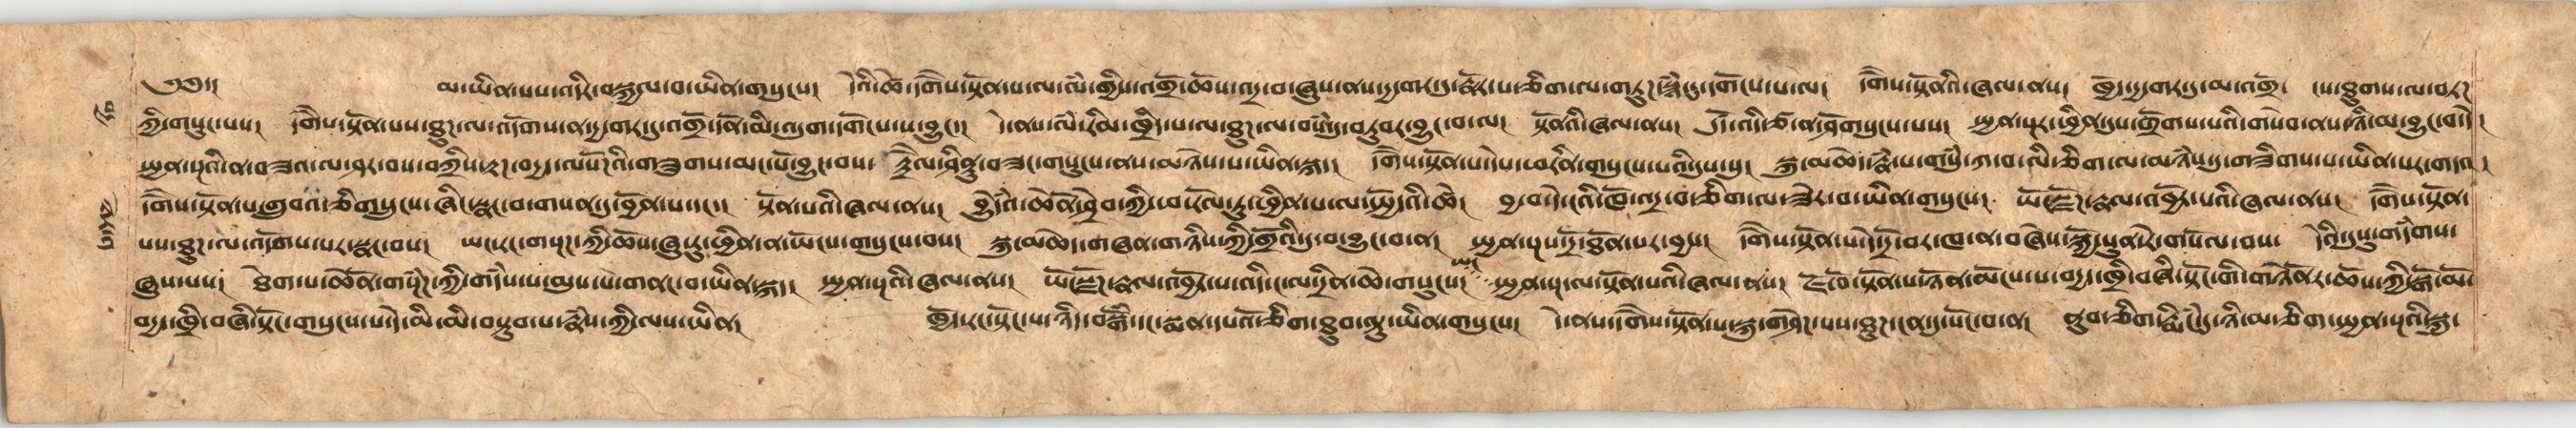མ་ཡིན་པས་འདིར་བསྐྱལ་བ་ཡིན་གསུངས། དེའི་ཚེ་དགཻས་སྟོན་པ་ལ་ལཾ་གྱིས་འགྲོ་ཆོས་འདྲ་བ་ཞུས་ནས་དྱ་གར་དུ་རྣོར་པ་ཅིག་ལ་གཏུཌ་སྙཾ་དུ་དགོངས་པ་ལ། དགཻས་སྟོནའི་ཞལ་ནས། ཁྱོད་དྱ་གར་དུ་མ་འགྲོ་ ངས་ཐུགས་ལ་བཏཌ་
ཀྱི་གསུང་པས། དགཻས་སྟོན་པས་ཐུཌ་ལ་འདོགས་ན་དྱ་གར་དུ་འགྲོ་དོན་མི་འདུག་དགོངས་པ་བྱུང་། དེ་ནས་ལཾ་རིམ་ཁྲིད་པ་ལ་ཐུཌ་ལ་བསཾ་དུ་བཏུབར་བྱུང་བ་ལ། སྟོནའི་ཞལ་ནས། དུསཚོད་འདི་ཙ་ན་ཤོགསུངས་པས། སྤྱན་སྔར་ཕྱིན་དུས་གྲོགས་པའི་གསེབ་ནས་ཉི་མ་བྱུང་བ་དེ།
སྤྱན་སྔའི་ན་བཟའ་ལ་ཤར་བས་བཀྲིས་རྟཌ་བདྱད་ལསོཌའི་གཟུགས་མང་པོ་བྱུང་བས། རྟྲཻལ་ཤིནྟུ་བཟང་གསུངས་ནས་མཉེས་པ་ཡིན་སྐད། དགཻས་སྟོན་པ་དེས་ཕརིན་གསུངས་པའི་དུས་སུ། སྐུ་མཆེད་རྣཾ་པ་གསུཾ་ཀ་བ་ལི་ཅིག་ལ་མཉཾས་དུ་གཟིགས་པ་ཡིན་པར་གདའ།
དགཻས་སྟོན་པ་གྲུབའི་ཅིགསྲུངས་ཞིང་སྣང་བ་གསན་དུ་བྱོན་པ་དང་། སྟོན་པའི་ཞལ་ནས། བྱེུདཾའ་ཆེནོ་ཤྲེབ་ཀྱི་ཕ་རོལ་དུ་ཕྱིན་པ་ལ་སྤྱོདའི་ཚེ། བྱ་བ་དེ་ངའི་ཁོ་འདྲ་བ་ཅིག་ལ་ཟེར་བ་ཡིན་གསུངས། ཡོངསྫོཌ་རྣལ་འབྱོར་པའི་ཞལ་ནས། དགཻས་སྟོན་
པས་ཐུཌ་ལ་འདོགས་པར་སྣང་བས། ཡང་རང་གསྔཌ་ཀྱི་ཆོས་ཞུས་རུ་ཕྱིན་ན་ཡོངས་གསུངས་བས། སྐུ་མཆེད་གཞན་གཉིས་ཀྱི་གྲོའི་དུ་བ་བྱུང་བ་ན། སྤྱན་སྔས་དྲོ་ཐོན་པར་བྱས། དགཻས་སྟོན་པ་དེ་དྲོ་བར་ཁ་ན་བཞེས་སྐྱོ་སུན་རེ་གསོལ་བས་ དེའི་དུསུ་གདཾགས
ཞུས་པས། ཐེག་པ་ཆེནོ་གསྔཾཌ་ཀྱི་གདཾས་པ་མ་ལུས་པ་གནང་བ་ཡིན་སྐད། སྤྱན་སྔའི་ཞལ་ནས། ཡོངསྫོཌ་རྣལ་འབྱོར་པ་འདི་ང་ལ་དྲིན་ཆེ་གསུངས། སྤྱན་སྔ་ལ་སྟོན་པའི་ཞལ་ནས། ཇོ་བོ་སྟོན་པ་ཉོན་མོངས་པ་བདྱད་ཁྲི་བཞི་སྟོང་གི་གཉེནོར་ཆོས་ཀྱི་སྒོ་མོ་
བདྱད་ཁྲི་བཞི་སྟོང་གསུངས་པ་དེ་མི་མི་བསྟུབ་པ་རྣཾས་ཀྱི་ལས་ཡིན། ཁྱོད་རང་སྟོང་པ་ཉིད་བསྒོཾ་དང་སྨན་དཔའོ་ཅིག་ཐུབ་ལྟུ་ཡིན་གསུངས། དེ་ནས་དགཻས་སྟོན་པ་སྐུ་གཤེཌ་པས་ཐུཌ་ངན་དུ་སོང་བ་ན། ནུབ་ཅིག་རྨིངཾ་དུ་ཉི་མ་ཅིག་སྤྱན་སྔའི་སྐུ་